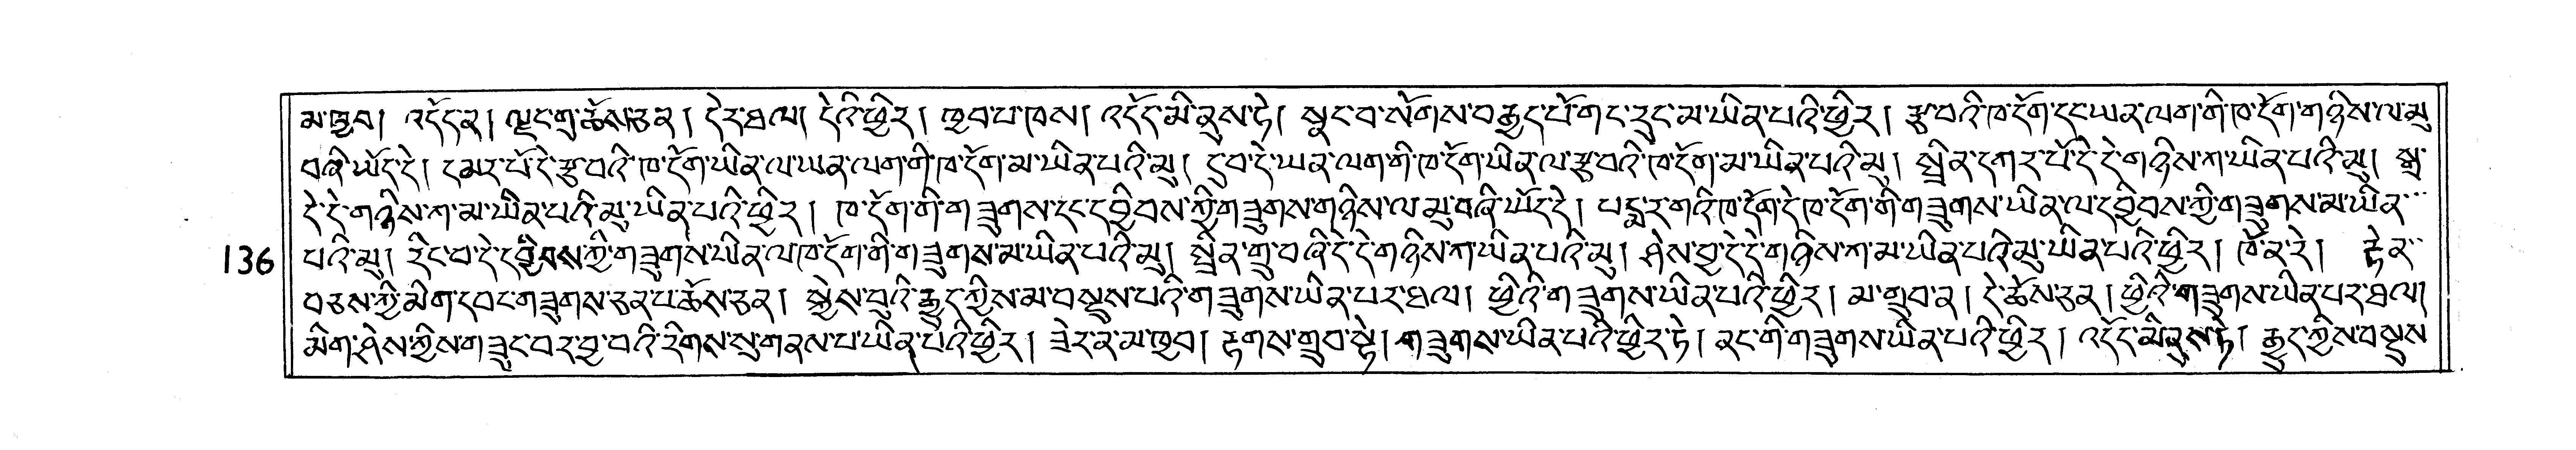མ་ཁྱབ། འདོད་ན། ལྗང་གུ་ཆོས་ཅན། དེར་ཐལ། དེའི་ཕྱིར། ཁྱབ་པ་ཁས། འདོད་མི་ནུས་ཏེ། སྣང་བ་སོགས་བརྒྱད་པོ་གང་རུང་མ་ཡིན་པའི་ཕྱིར། རྩ་བའི་ཁ་དོག་དང་ཡན་ལག་གི་ཁ་དོག་གཉིས་ལ་མུ་
བཞི་ཡོད་དེ། དམར་པོ་དེ་རྩ་བའི་ཁ་དོག་ཡིན་ལ་ཡན་ལག་གི་ཁ་དོག་མ་ཡིན་པའི་མུ། དུ་བ་དེ་ཡན་ལག་གི་ཁ་དོག་ཡིན་ལ་རྩ་བའི་ཁ་དོག་མ་ཡིན་པའི་མུ། སྤྲིན་དཀར་པོ་དེ་དེ་གཉིས་ཀ་ཡིན་པའི་མུ། སྒྲ་
དེ་དེ་གཉིས་ཀ་མ་ཡིན་པའི་མུ་ཡིན་པའི་ཕྱིར། ཁ་དོག་གི་གཟུགས་དང་དབྱིབས་ཀྱི་གཟུགས་གཉིས་ལ་མུ་བཞི་ཡོད་དེ། པདམ་ར་གའི་ཁ་དོག་དེ་ཁ་དོག་གི་གཟུགས་ཡིན་ལ་དབྱིབས་ཀྱི་གཟུགས་མ་ཡིན་
པའི་མུ། རིང་བ་དེ་དབྱིབས་ཀྱི་གཟུགས་ཡིན་ལ་ཁ་དོག་གི་གཟུགས་མ་ཡིན་པའི་མུ། སྤྲིན་གྲུ་བཞི་དེ་དེ་གཉིས་ཀ་ཡིན་པའི་མུ། ཤེས་བྱ་དེ་དེ་གཉིས་ཀ་མ་ཡིན་པའི་མུ་ཡིན་པའི་ཕྱིར། ཁོ་ན་རེ། རྟེན་
བཅས་ཀྱི་མིག་དབང་གཟུགས་ཅན་པ་ཆོས་ཅན། སྐྱེས་བུའི་རྒྱུད་ཀྱིས་མ་བསྡུས་པའི་གཟུགས་ཡིན་པར་ཐལ། ཕྱིའི་གཟུགས་ཡིན་པའི་ཕྱིར། མ་གྲུབ་ན། དེ་ཆོས་ཅན། ཕྱིའི་གཟུགས་ཡིན་པར་ཐལ།
མིག་ཤེས་ཀྱིས་གཟུང་བར་བྱ་བའི་རིགས་སུ་གནས་པ་ཡིན་པའི་ཕྱིར། ཟེར་ན་མ་ཁྱབ། རྟགས་གྲུབ་སྟེ། གཟུགས་ཡིན་པའི་ཕྱིར་ཏེ། ནང་གི་གཟུགས་ཡིན་པའི་ཕྱིར། འདོད་མི་ནུས་ཏེ། རྒྱུད་ཀྱིས་བསྡུས་